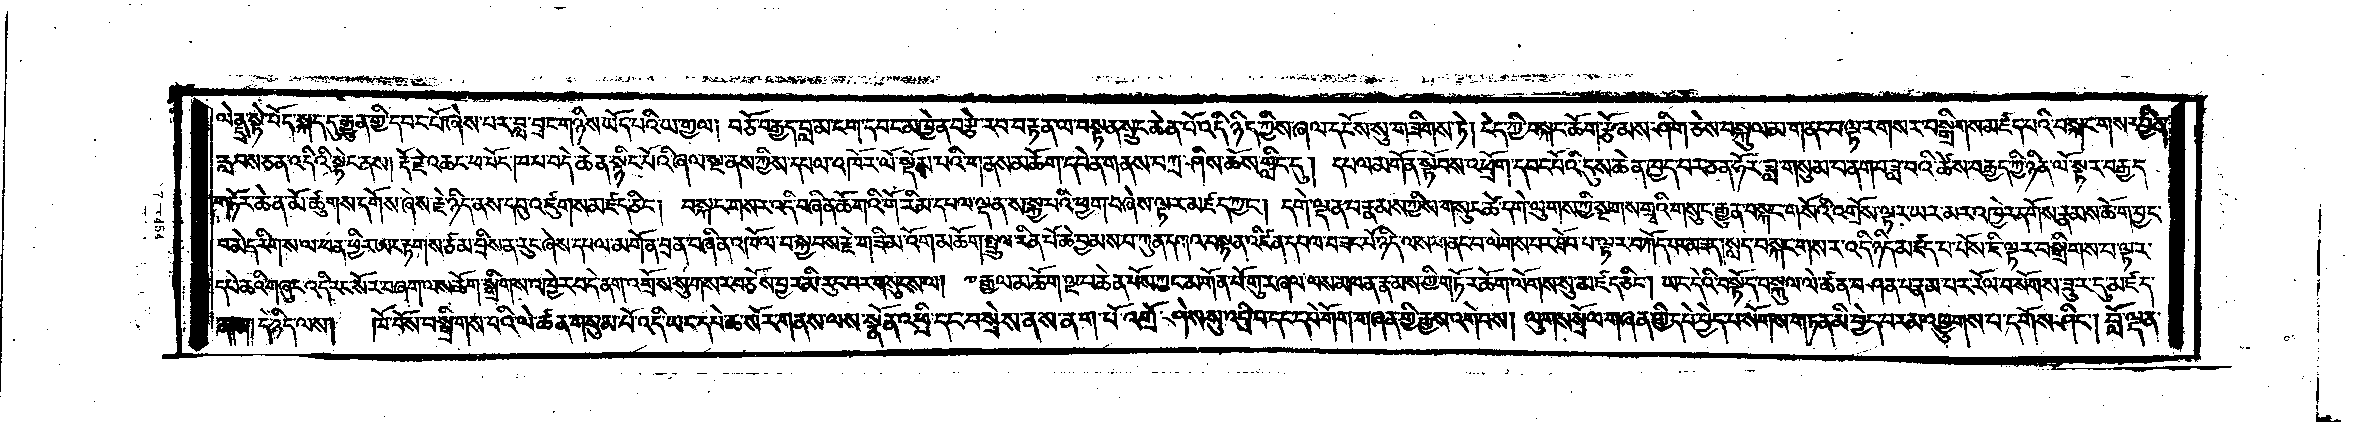ལེནྡྲ་སྟེ་བོད་སྐད་དུ་རྒྱུན་གྱི་དབང་པོ་ཞེས་བར་བླ་བྲང་གཉིས་ཡོད་པའི་ཡ་གྱལ། བཅོ་བརྒྱད་བླ་མ་ངག་དབང་མཁྱེན་བརྩེ་རབ་བརྟན་ལ་བསྟན་སྲུང་ཆེན་པོ་འདི་ཉིད་ཀྱིས་ཞལ་དངོས་སུ་གཟིགས་ཏེ། ངེད་ཀྱི་བསྐང་ཆོག་རྩོམས་ཤིག་ཅེས་བསྐུལ་མ་གནང་བ་ལྟར་གསར་བསྒྲིགས་མཛད་པའི་བསྐང་གསར་བྱིན་
རླབས་ཅན་འདིའི་སྟེང་ནས། རྡོ་རྗེ་འཆང་ཕ་པོང་ཁ་པ་བདེ་ཆེན་སྙིང་པོའི་ཞལ་སྔ་ནས་ཀྱིས་དཔལ་འཁོར་ལོ་སྡོམ་པའི་གནས་མཆོག་དབེན་གནས་བཀྲ་ཤིས་ཆོས་གླིང་དུ། དཔལ་མགོན་སྟོབས་འཕྲོག་དབང་པོའི་དུས་ཆེན་ཁྱད་པར་ཅན་ཧོར་ཟླ་གསུམ་པ་ནག་བཟླ་བའི་ཚེས་བརྒྱད་ཀྱི་ཉིན་ལོ་སྟར་བརྒྱད་
གཏོར་ཆེན་མོ་ཚུགས་དགོས་ཞེས་རྗེ་ཉིད་ནས་དབུ་འཛུགས་མཛད་ཅིང་། བསྐང་གསར་འདི་བཞིན་ཆོ་གའི་གོ་རིམ་དཔལ་ལྡན་ས་སྐྱ་བའི་ཕྱག་བཞེས་ལྟར་མཛད་ཀྱང་། དགེ་ལྡན་པ་རྣམས་ཀྱིས་གསུང་ཚེ་དགེ་ལུགས་ཀྱི་སྔགས་གྲྭའི་གསུང་རྒྱུན་བསྐང་གསོའི་འགྲོས་ལྟར་ཡར་མར་འཁྱེར་དགོས་རྣམས་ཆོ་ག་བྱང་
བ་མེད་རིགས་ལ་ཕན་ཕྱིར་ཨང་རྟགས་ཙམ་བྲིས་ན་རུང་ཞེས་དཔལ་མགོན་བྲན་བཞིན་འཁོལ་བ་སྐྱབས་རྗེ་གཟིམ་འོག་མཆོག་སྤྲུལ་རིན་པོ་ཆེ་བྱམས་པ་ཀུན་དགའ་བསྙན་འཛིན་དཔལ་བཟང་པོ་ཉིད་ལས་གནང་བ་ལེགས་པར་ཐོབ་པ་ལྟར་བཀོད་པར་མ་ཟད། སླད་བསྐང་གསར་འདི་ཉིད་མཛད་པ་པོས་ཇི་ལྟར་བསྒྲིགས་པ་ལྟར་
དཔེ་ཆའི་གཞུང་འདི་རང་སོར་བཞག་ལས་ཆོག་སྒྲིགས་འཁྱེར་བདེ་ནག་འགྲོས་སུ་གསར་བཅོས་བྱར་མི་རུང་བར་གསུངས་ལ། ༧རྒྱལ་མཆོག་ལྔ་པ་ཆེན་པོས་ཀྱང་མགོན་པོ་གུར་ཞལ་ལས་མཁན་རྣམས་ཀྱི་གཏོར་ཆོག་ལོགས་སུ་མཛད་ཅིང་། ཡང་དེའི་བསྟོད་བསྐུལ་ལེ་ཚན་བཤན་པ་རྣམ་བར་རོལ་པ་སོགས་ཟུར་དུ་མཛད་
ནས། དེ་ཉིད་ལས། ཁོ་བོས་བསྒྲིགས་པའི་ལེ་ཚན་གསུམ་པོ་འདི་ཡང་དཔེ་ཆ་སོར་གནས་ལས་སྣོན་འཕྲི་དང་བསྲེས་ནས་ནག་པོ་འགྲོར་ཤེས་སུ་འབྲི་བ་དང་དཔེ་གོག་གཞན་གྱི་རྒྱས་འགེབས། ལུགས་སྲོལ་གཞན་གྱི་དཔེ་བྱེད་པ་སོགས་གཏན་མི་བྱེད་པར་མ་འཕྱུགས་པ་དགོས་ཤིང་། བློ་ལྡན་